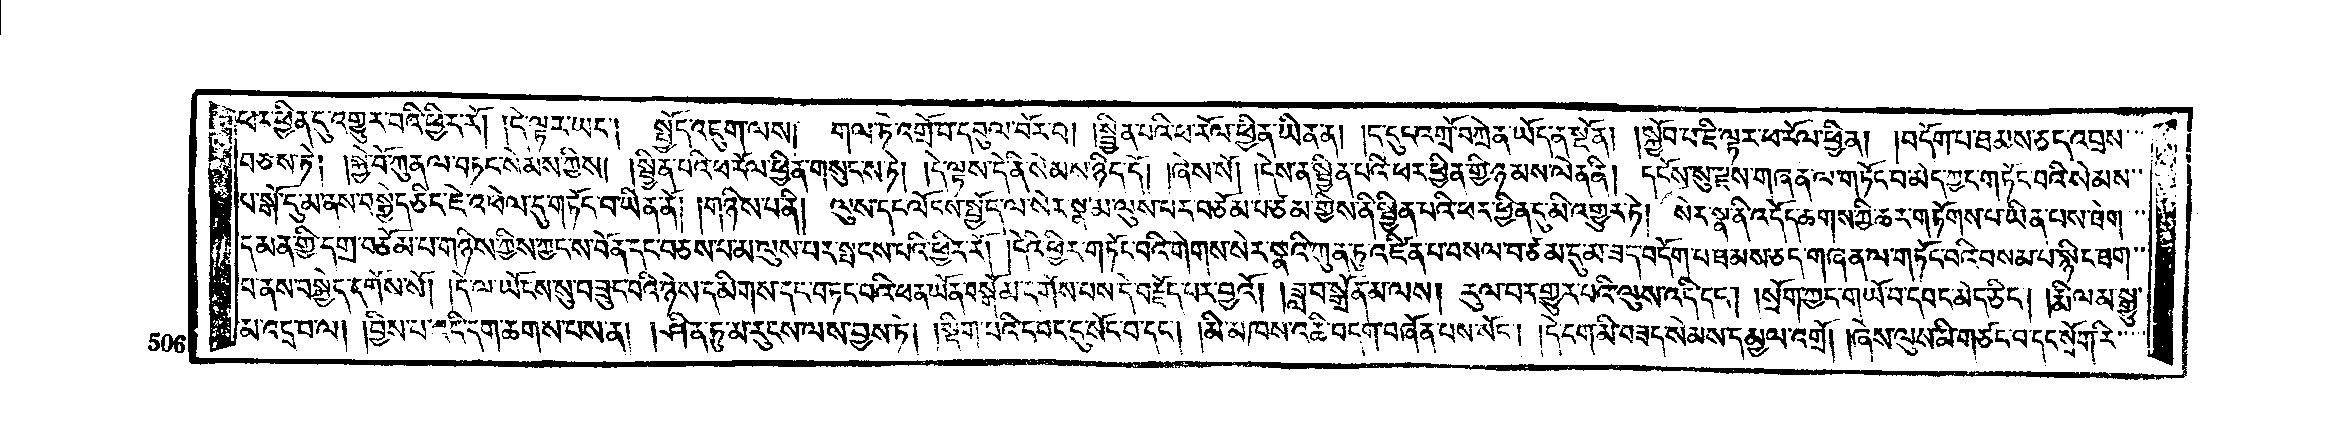ཕར་ཕྱིན་དུ་འགྱུར་བའི་ཕྱིར་རོ། །དེ་ལྟར་ཡང་། སྤྱོད་འཇུག་ལས། གལ་ཏེ་འགྲོ་བ་དབུལ་བོར་བ། །སྦྱིན་པའི་ཕ་རོལ་ཕྱིན་ཡིན་ན། །ད་དུང་འགྲོ་བཀྲེན་ཡོད་ན་སྔོན། །སྐྱོབ་པ་ཇི་ལྟར་ཕ་རོལ་ཕྱིན། །བདོག་པ་ཐམས་ཅད་འབྲས་
བཅས་ཏེ། །སྐྱེ་བོ་ཀུན་ལ་བཏང་སེམས་ཀྱིས། །སྦྱིན་པའི་ཕ་རོལ་ཕྱིན་གསུངས་ཏེ། །དེ་ལྟས་དེ་ནི་སེམས་ཉིད་དོ། །ཞེས་སོ། །དེས་ན་སྦྱིན་པའི་ཕར་ཕྱིན་གྱི་ཉམས་ལེན་ནི། དངོས་སུ་རྫས་གཞན་ལ་གཏོང་བ་མེད་ཀྱང་གཏོང་བའི་སེམས་
པ་སྒོ་དུ་མ་ནས་བསྐྱེད་ཅིང་ཇེ་འཕེལ་དུ་གཏོང་བ་ཡིན་ནོ། །གཉིས་པ་ནི། ལུས་དང་ལོངས་སྤྱོད་ལ་སེར་སྣ་མ་ལུས་པར་བཅོམ་པ་ཙམ་གྱིས་ནི་སྦྱིན་པའི་ཕར་ཕྱིན་དུ་མི་འགྱུར་ཏེ། སེར་སྣ་ནི་འདོད་ཆགས་ཀྱི་ཆར་གཏོགས་པ་ཡིན་པས་ཐེག་
དམན་གྱི་དགྲ་བཅོམ་པ་གཉིས་ཀྱིས་ཀྱང་ས་བོན་དང་བཅས་པ་མ་ལུས་པར་སྤངས་པའི་ཕྱིར་རོ། །དེའི་ཕྱིར་གཏོང་བའི་གེགས་སེར་སྣའི་ཀུན་ཏུ་འཛིན་པ་བསལ་བ་ཙམ་དུ་མ་ཟད་བདོག་པ་ཐམས་ཅད་གཞན་ལ་གཏོང་བའི་བསམ་པ་སྙིང་ཐག་
པ་ནས་བསྐྱེད་དགོས་སོ། །དེ་ལ་ཡོངས་སུ་བཟུང་བའི་ཉེས་དམིགས་དང་བཏང་བའི་ཕན་ཡོན་བསྒོམ་དགོས་པས་དེ་བརྗོད་པར་བྱའོ། །ཟླ་བ་སྒྲོན་མ་ལས། རུལ་བར་གྱུར་པའི་ལུས་འདི་དང་། །སྲོག་ཀྱང་གཡོ་བ་དབང་མེད་ཅིང་། །རྨི་ལམ་སྒྱུ་
མ་འདྲ་བ་ལ། །བྱིས་པ་འདི་དག་ཆགས་པས་ན། །ཤིན་ཏུ་མ་རུངས་ལས་བྱས་ཏེ། །སྡིག་པའི་དབང་དུ་སོང་བ་དང་། །མི་མཁས་འཆི་བདག་བཞོན་པས་སོང་། །དེ་དག་མི་བཟད་སེམས་དམྱལ་འགྲོ། །ཞེས་ལུས་མི་གཙང་བ་དང་སྲོག་རི་